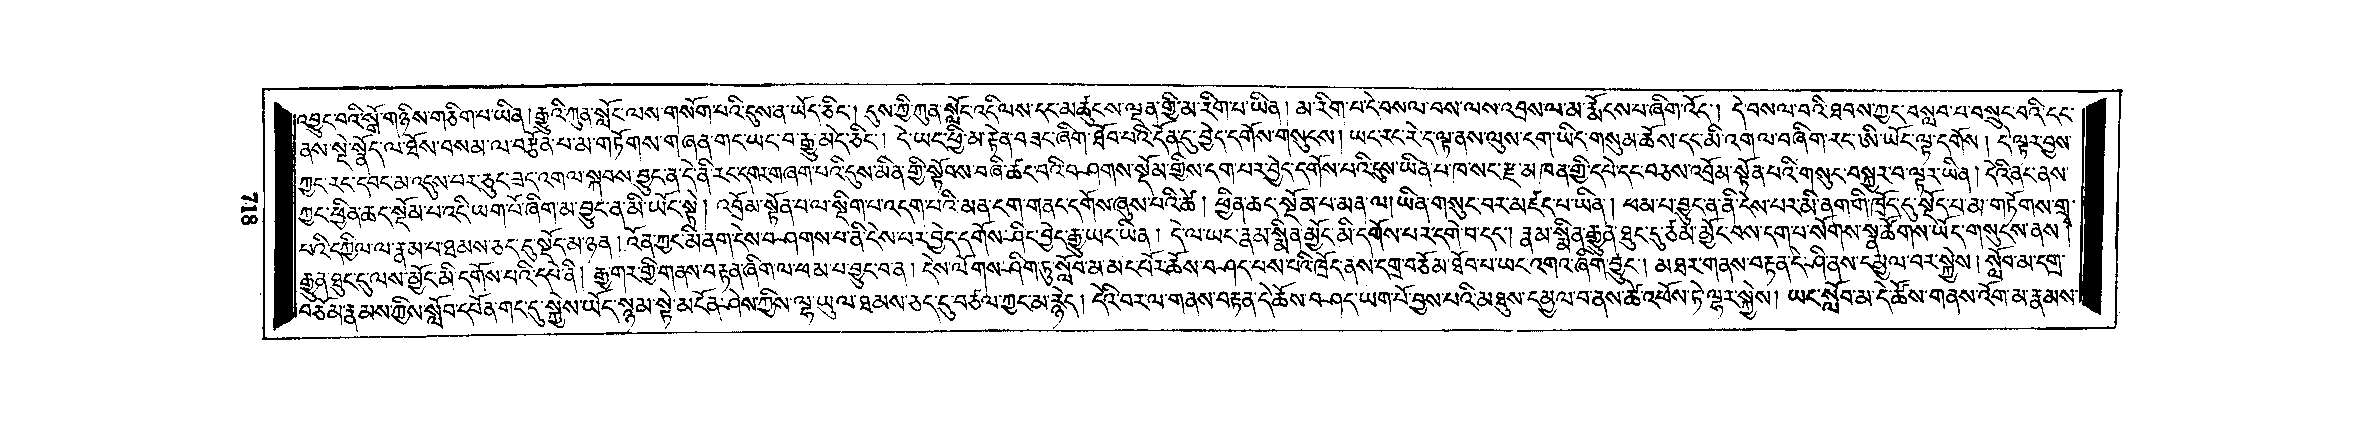འབྱུང་བའི་སྒོ་གཉིས་གཅིག་པ་ཡིན། རྒྱུའི་ཀུན་སློང་ལས་གསོག་པའི་དུས་ན་ཡོད་ཅིང་། དུས་ཀྱི་ཀུན་སློང་འདི་ལས་དང་མཚུངས་ལྡན་གྱི་མ་རིག་པ་ཡིན། མ་རིག་པ་དེ་བསལ་བས་ལས་འབྲས་ལ་མ་རྨོངས་པ་ཞིག་འོད། དེ་བསལ་བའི་ཐབས་ཀྱང་བསླབ་པ་བསྲུང་བའི་ངང་
ནས་སྡེ་སྣོད་ལ་ཐོས་བསམ་ལ་བརྩོན་པ་མ་གཏོགས་གཞན་གང་ཡང་བ་རྒྱུ་མེད་ཅིང་། དེ་ཡང་ཕྱི་མ་རྟེན་བཟང་ཞིག་ཐོབ་པའི་དོན་དུ་བྱེད་དགོས་གསུངས། ཡང་རང་རེ་ད་ལྟ་ནས་ལུས་ངག་ཡིད་གསུམ་ཆོས་དང་མི་འགལ་བཞིག་རང་ཨི་ཡོང་ལྟ་དགོས། དེ་ལྟར་བྱས་
ཀྱང་རང་དབང་མ་འདུས་པར་ཅུང་ཟད་འགལ་སྐབས་བྱུང་ན་དེ་ནི་རང་དགར་གཞག་པའི་དུས་མིན་གྱི་སྟོབས་བཞི་ཚང་བའི་བཤགས་སྡོམ་གྱིས་དག་པར་བྱེད་དགོས་པའི་དུས་ཡིན་པ་ཁ་སང་རྫ་མཁན་གྱི་དཔེ་དང་བཅས་འབྲོམ་སྟོན་པའི་གསུང་བསྐྱར་བ་ལྟར་ཡིན། དེའི་ནང་ནས་
ཀྱང་ཕྱིན་ཆད་སྡོམ་པ་འདི་ཡག་པོ་ཞིག་མ་བྱུང་ན་མི་ཡོང་སྟེ། འབྲོམ་སྟོན་པ་ལ་སྡིག་པ་འདག་པའི་མན་ངག་གནང་དགོས་ཞུས་པའི་ཚེ། ཕྱིན་ཆད་སྡོམ་པ་མན་ལ། ཡིན་གསུང་བར་མཛད་པ་ཡིན། ཕམ་པ་བྱུང་ན་ནི་ངེས་པར་མི་ནག་གི་ཁྲོད་དུ་སྡོད་པ་མ་གཏོགས་གྲྭ་
པའི་དཀྱིལ་ལ་རྣམ་པ་ཐམས་ཅད་དུ་སྡོད་མ་ཉན། འོན་ཀྱང་མི་ནག་དེས་བཤགས་པ་ནི་ངེས་པར་བྱེད་དགོས་ཤིང་བྱེད་རྒྱུ་ཡང་ཡིན། དེ་ལ་ཡང་རྣམ་སྨིན་མྱོང་མི་དགོས་པར་དགེ་བ་དང་། རྣམ་སྨིན་རྒྱུན་ཐུང་དུ་ཙམ་མྱོང་བས་དག་པ་སོགས་སྣ་ཚོགས་ཡོད་གསུངས་ནས།
རྒྱུན་ཐུང་དུ་ལས་མྱོང་མི་དགོས་པའི་དཔེ་ནི། རྒྱ་གར་གྱི་གནས་བརྟན་ཞིག་ལ་ཕམ་པ་བྱུང་བ་ན། དེས་ལོགས་ཤིག་ཏུ་སློབ་མ་མང་པོར་ཆོས་བཤད་པས་པའི་ཁྲོད་ནས་དགྲ་བཅོམ་ཐོབ་པ་ཡང་འགའ་ཞིག་བྱུང་། མཐར་གནས་བརྟན་དེ་ཤི་ནས་དམྱལ་བར་སྐྱེས། སློབ་མ་དགྲ་
བཅོམ་རྣམས་ཀྱིས་སློབ་དཔོན་གང་དུ་སྐྱེས་ཡོད་སྙམ་སྟེ་མངོན་ཤེས་ཀྱིས་ལྷ་ཡུལ་ཐམས་ཅད་དུ་བཙལ་ཀྱང་མ་རྙེད། དེའི་བར་ལ་གནས་བརྟན་དེ་ཆོས་བཤད་ཡག་པོ་བྱས་པའི་མཐུས་དམྱལ་བ་ནས་ཚེ་འཕོས་ཏེ་ལྷར་སྐྱེས། ཡང་སློབ་མ་དེ་ཚོས་གནས་འོག་མ་རྣམས་